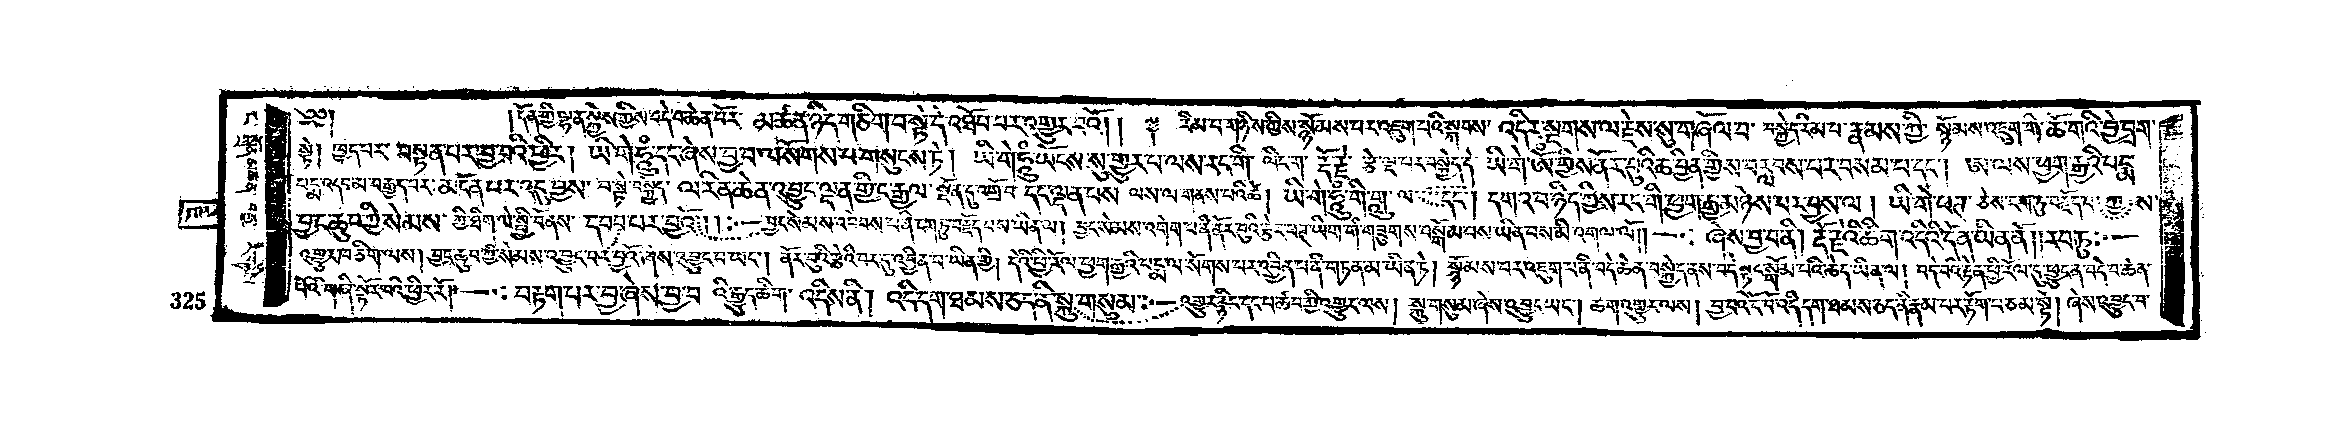༄༅། །དོན་གྱི་ལྷན་སྐྱེས་ཀྱིས་བདེ་བ་ཆེན་པོར་མཚན་ཉིད་གཅིག་པ་སྟེ་དེ་འཐོབ་པར་འགྱུར་བའོ། ། ༈ རིམ་པ་གཉིས་ཀྱིས་སྙོམས་པར་འཇུག་པའི་སྐབས་འདིར་སྔགས་ལ་རྗེས་སུ་གཞོལ་བ་བསྐྱེད་རིམ་པ་རྣམས་ཀྱི་སྙོམས་འཇུག་གི་ཆོ་གའི་བྱེ་བྲག་
སྟེ། ཁྱད་པར་བསྟན་པར་བྱ་བའི་ཕྱིར། ཡི་གེ་ཧཱུཾ་དང་ཞེས་བྱ་བ་ལ་སོགས་པ་གསུངས་ཏེ། ཡི་གེ་ཧཱུཾ་ཡོངས་སུ་གྱུར་པ་ལས་རང་གི་ལིང་ག་རྡོ་རྗེ་རྩེ་ལྔ་པར་བསྐྱེད་དེ་ཡི་གེ་ཨོཾ་གྱིས་ནོར་བུའི་ཆ་བྱིན་གྱིས་བརླབས་པར་བསམ་པ་དང་། ཨ་ལས་ཕྱག་རྒྱའི་པདམ་
པདམ་འདབ་མ་བརྒྱད་པར་མངོན་པར་འདུ་བྱས་པ་སྟེ་བསྐྱེད་ལ་རིན་ཆེན་འབྱུང་ལྡན་གྱི་ང་རྒྱལ་སྔོན་དུ་འགྲོ་བ་དང་ལྡན་པས་ལས་ལ་གནས་པའི་ཚེ།  ཡི་གེ་ཧཱུཾ་གི་གླུ་ལ་དང་། དགའ་བ་ཉིད་ཀྱིས་རང་གི་ཕྱག་རྒྱ་མཉེས་པར་བྱས་ལ། ཡི་གེ་ཕཊ་ཅེས་ངག་ཏུ་བརྗོད་པ་ཀྱི་ས་
བྱང་ཆུབ་ཀྱི་སེམས་ཀྱི་ཐིག་ལེ་སྤྱི་བོ་ནས་དབབ་པར་བྱའོ།། H.་བྱང་སེམས་འབེབས་པ་ནི་ངག་ཏུ་བརྗོད་པས་ཡིན་ལ། བྱང་སེམས་འགོག་པ་ནི་ནོར་བུའི་རྩེར་ཕཊ་ཡིག་གི་གཟུགས་བསྒོམ་པས་ཡིན་པས་མི་འགལ་ལོ།།  .H ཞེས་བྱ་བ་ནི། རྡོ་རྗེའི་ཚིག་འདིའི་དོན་ཡིན་ནོ། །རབ་ཏུ་H.
འགྱུར་ཁ་ཅིག་ལས། བྱང་ཆུབ་ཀྱི་སེམས་འབྱུང་བར་བྱའོ་ཞེས་འབྱུང་བ་ཡང་། ནོར་བུའི་རྩེའི་བར་དུ་འབྱིན་པ་ཡིན་གྱི། དེའི་ཕྱི་རོལ་ཕྱག་རྒྱའི་པདམ་ལ་སོགས་པར་འབྱིན་པ་ནི་གཏན་མ་ཡིན་ཏེ། སྙོམས་པར་འཇུག་པ་ནི་བདེ་ཆེན་བསྐྱེད་ནས་བདེ་སྟོང་སྒོམ་པའི་ཆེད་ཡིན་ལ། བདེ་བའི་རྟེན་ཕྱི་རོལ་དུ་ཕྱུང་ན་བདེ་བ་ཆེན་
པོའི་གཞི་སྟོར་བའི་ཕྱིར་རོ།། .H བརྟག་པར་བྱ་ཞེས་བྱ་བའི་རྒྱུད་ཚིག་འདིས་ནི། འདི་དག་ཐམས་ཅད་ནི་སྐུ་གསུམ་H.་འགྱུར་རྙིང་དང་པ་ཚབ་ཀྱི་འགྱུར་ལས། སྐུ་གསུམ་ཞེས་འབྱུང་ཡང་། ཆག་འགྱུར་ལས། བྱ་བའི་ངོ་བོ་འདི་དག་ཐམས་ཅད་ནི་རྣམ་པར་རྟོག་པ་ཙམ་སྟེ། ཞེས་འབྱུང་བ་